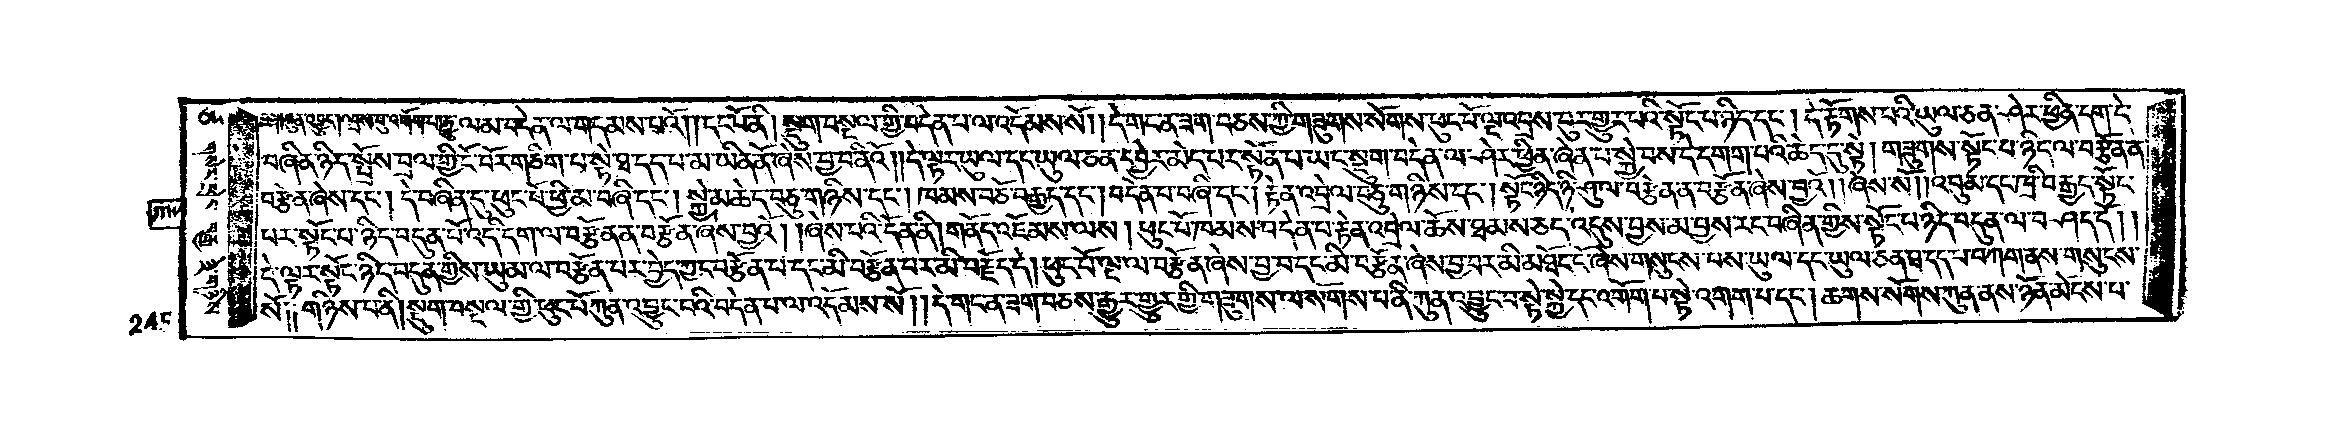༄༅། ། ཀུན་འབྱུང་། འབྲས་བུ་འགོག་པ་རྒྱུ་ལམ་བདེན་ལ་གདམས་པའོ། །དང་པོ་ནི། སྡུག་བསྔལ་གྱི་བདེན་པ་ལ་འདོམས་སོ། །དེ་གང་ན་ཟག་བཅས་ཀྱི་གཟུགས་སོགས་ཕུང་པོ་ལྔ་འབྲས་བུར་གྱུར་པའི་སྟོང་པ་ཉིད་དང་། དེ་རྟོགས་པའི་ཡུལ་ཅན་ཤེར་ཕྱིན་དག་དེ་
བཞིན་ཉིད་སྤྲོས་བྲལ་གྱི་ངོ་བོར་གཅིག་པ་སྟེ་ཐ་དད་པ་མ་ཡིན་ནོ་ཞེས་བྱ་བ་ནིའོ། །དེ་ལྟར་ཡུལ་དང་ཡུལ་ཅན་དབྱེར་མེད་པར་སྟོན་པ་ཡང་སྡུག་བདེན་ལ་ཤེར་ཕྱིན་ཞེན་པ་སྐྱེ་བས་དེ་དགག་པའི་ཆེད་དུ་སྟེ། གཟུགས་སྟོང་པ་ཉིད་ལ་བརྩོན་ན་
བརྩོན་ཞེས་དང་། དེ་བཞིན་དུ་ཕུང་པོ་ཕྱི་མ་བཞི་དང་། སྐྱེ་མཆེད་བཅུ་གཉིས་དང་། ཁམས་བཅོ་བརྒྱད་དང་། བདེན་པ་བཞི་དང་། རྟེན་འབྲེལ་བཅུ་གཉིས་དང་། སྟོང་ཉིད་ཉི་ཤུ་ལ་བརྩོན་ན་བརྩོན་ཞེས་བྱའོ། །ཞེས་སོ། །འབུམ་དང་ཁྲི་བརྒྱད་སྟོང་
པར་སྟོང་པ་ཉིད་བདུན་པོ་འདི་དག་ལ་བརྩོན་ན་བརྩོན་ཞེས་བྱའོ། །ཞེས་པའི་དོན་ནི། གནོད་འཇོམས་ལས། ཕུང་པོ་ཁམས་བདེན་པ་རྟེན་འབྲེལ་ཆོས་ཐམས་ཅད་འདུས་བྱས་མ་བྱས་རང་བཞིན་གྱིས་སྟོང་པ་ཉིད་བདུན་ལ་བཤད་དོ། །
དེ་ལྟར་སྟོང་ཉིད་བདུན་གྱིས་ཡུམ་ལ་བརྩོན་པར་བྱེད་ཀྱང་བརྩོན་པ་དང་མི་བརྩོན་པར་མི་བརྗོད་དེ། ཕུང་པོ་ལྔ་ལ་བརྩོན་ཞེས་བྱ་བ་དང་མི་བརྩོན་ཞེས་བྱ་བར་མི་མཐོང་ངོ་ཞེས་གསུངས་པས་ཡུལ་དང་ཡུལ་ཅན་ཐ་དད་པ་བཀག་ནས་གསུངས་
སོ། །གཉིས་པ་ནི། སྡུག་བསྔལ་གྱི་ཕུང་པོ་ཀུན་འབྱུང་བའི་བདེན་པ་ལ་འདོམས་སོ། །དེ་གང་ན་ཟག་བཅས་རྒྱུར་གྱུར་གྱི་གཟུགས་ལ་སོགས་པ་ནི་ཀུན་འབྱུང་བ་སྟེ་སྐྱེ་དང་འགོག་པ་སྟེ་འགག་པ་དང་། ཆགས་སོགས་ཀུན་ནས་ཉོན་མོངས་པ་